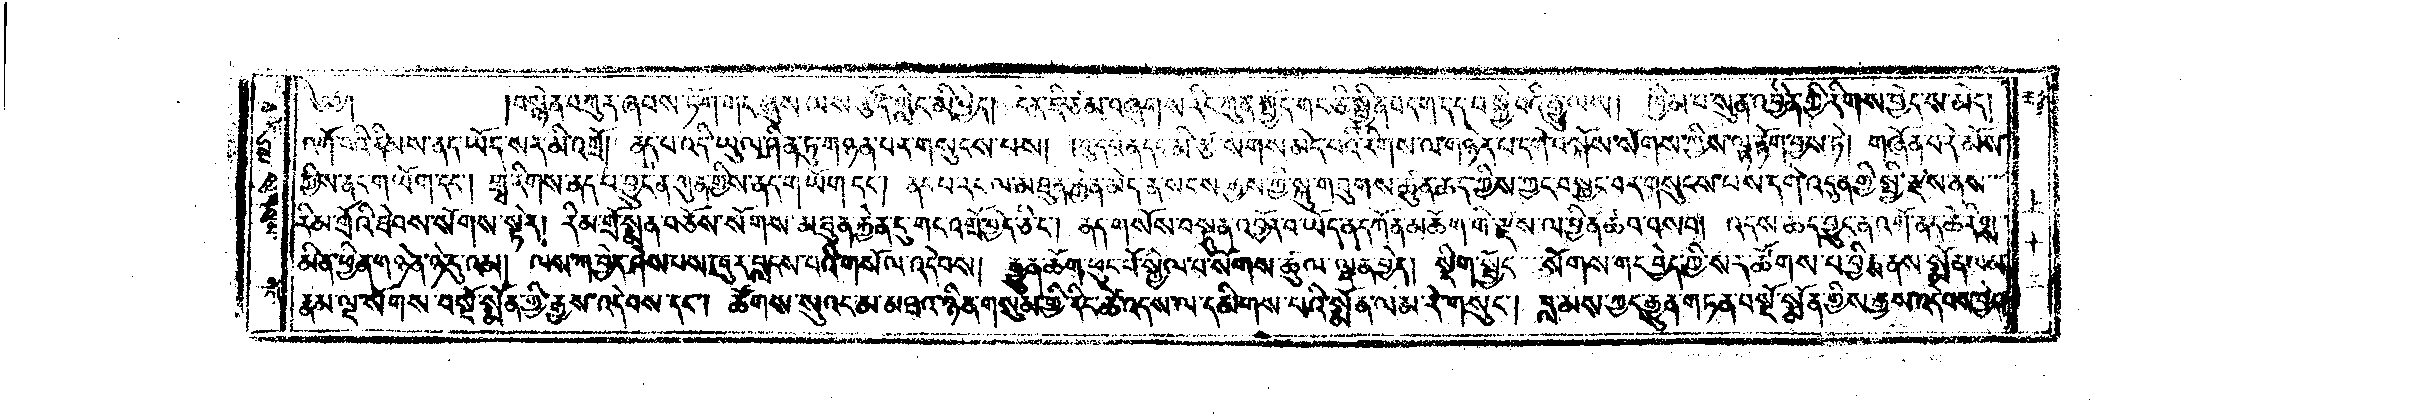༄༅། །བསྙེན་བཀུར་ཞབས་ཏོག་གང་ཞུས་ལས་རྩོད་གླེང་མི་བྱེད། དེར་ཇི་ཙམ་བཞུགས་རིང་ཀུན་སྤྱོད་གང་ཅི་སྦྱིན་བདག་དད་པ་སྐྱེ་བའི་རྒྱུ་ལས། ཁྱིམ་པ་སུན་འབྱིན་གྱི་རིགས་བྱེད་ས་མེད།
འགོ་བའི་རིམས་ནད་ཡོད་སར་མི་འགྲོ། ནད་པ་འདི་ཡུལ་ཤིན་ཏུ་གཉན་པར་གསུངས་པས། ཁུ་དཔོན་དང་མི་རྩ་སོགས་མེད་པའི་རིགས་ལ་གཉེར་པ་དགེ་བསྐོས་སོགས་ཀྱིས་ལྟ་རྟོག་བྱས་ཏེ། གཞོན་པ་རེ་མོས་
ཀྱིས་ནད་གཡོག་དང་། གྲྭ་རིགས་ནད་པ་བྱུང་ན་ཀུན་གྱིས་ནད་གཡོག་དང་། ནང་པ་རང་ལ་མཐུན་རྐྱེན་མེད་ན་སངས་རྒྱས་ཀྱི་སྐུ་གཟུགས་ཚུན་ཆད་ཀྱིས་ཀྱང་བསྐྱང་བར་གསུངས་པས་དགེ་འདུན་གྱི་སྤྱི་རྫས་ནས་
རིམ་གྲོའི་ཐེབས་སོགས་སྟེར། རིམ་གྲོ་སྨན་བཅོས་སོགས་མཐུན་རྐྱེན་དུ་གང་འགྲོ་བྱེད་ཅིང་། ནད་གསོས་བསྟུན་འབྱོར་བ་ཡོད་ན་དཀོན་མཆོག་གི་རྫས་ལ་བྱིན་ཚབ་བསབ། འདས་ཆད་བྱུང་ན་འགོ་ནད་ཆེ་རིགས་
མིན་ཕྱིན་གཉེན་ཉེ་དུའམ། ལས་ཀ་བྱེད་ཤེས་པས་ཁུར་བླངས་པའི་གསོལ་འདེབས། རྒྱུན་ཆོག་ཕུང་པོ་སྐྱེལ་བ་སོགས་ཚུལ་ལྡན་བྱེད། སྡིག་སྦྱོང་སོགས་གང་བྱེད་ཀྱི་སར་ཚོགས་པ་བྱིངས་ནས་སྨོན་ལམ་
རྣམ་ལྔ་སོགས་བསྔོ་སྨོན་གྱི་རྒྱས་འདེབས་དང་། ཚོགས་སུའང་མ་མཐའ་ཉིན་གསུམ་གྱི་རིང་ཚེ་འདས་ལ་དམིགས་པའི་སྨོན་ལམ་རེ་གསུང་། བླ་མས་ཀྱང་རྒྱུན་གཏན་བསྔོ་སྨོན་གྱིས་རྒྱས་འདེབས་བྱེད།